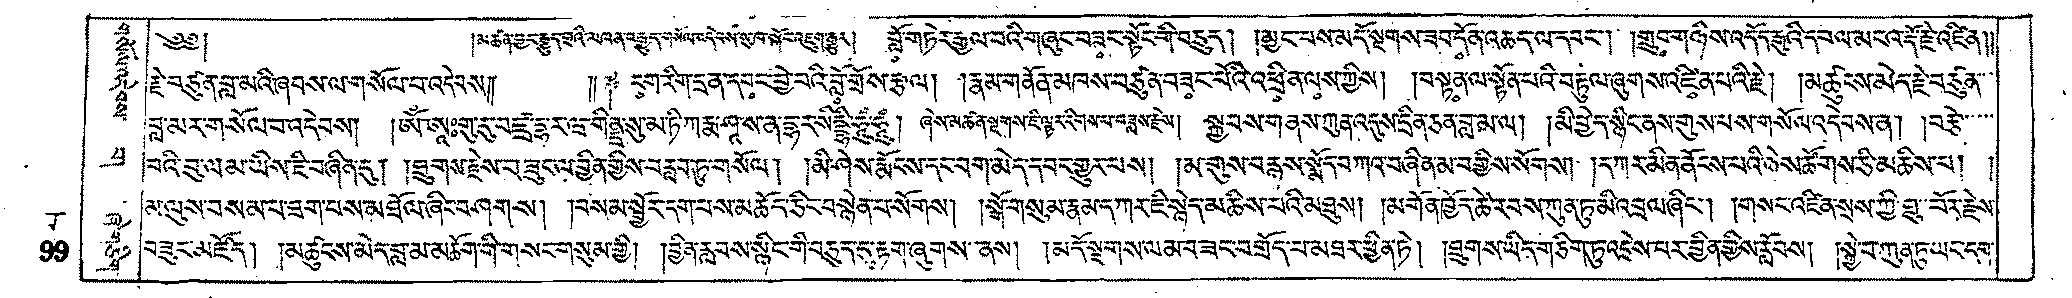༄༅། །མཚན་བྱང་རྒྱུད་གྲའི་མཁན་བརྒྱུད་གསོལ་འདེབས་སུ་ཁ་སྐོང་འཇུག་རྒྱུར། བློ྾་གཏེར་རྒྱལ་བའི་གཞུང་བཟང྾་སྟོང་གི་བཅུད། །མྱང་བས་མདོ་སྔགས་ཟབ་དོན་འཆང་ལ་དབང་། །གྲུབ་གཉིས་འདོད་རྒུའི་དཔལ་མངའ་རྡོ་རྗེ་འཛིན། །
རྗེ་བཙུན་བླ་མའི་ཞབས་ལ་གསོལ་བ་འདེབས།། །། འ་ངག྾་རིག་དྲན་དབང྾་བྱེ་བའི་བློ྾་གྲོས་རྩལ། །རྣམ་གནོན་མཁས་བཙུན་བཟང྾་པོའི་འཕྲིན྾་ལས྾་ཀྱིས། །བསྟན྾་ལ་སྟོན་པའི་བརྟུལ་ཞུགས་འཛིན྾་པའི་རྗེ། །མཚུངས་མེད་རྗེ་བཙུན་བླ་མར་གསོལ་བ་འདེབས། །ཨོཾ་ཨཱཿགུ་རུ་བཛྲ་དྷ་ར་ཝ་གིནྡྲ་སུ་མ་ཏི་ཀརྨ་ཤཱ་ས་ན་དྷ་ར་སིངྔྷི་ཧཱུཾ་ཧཱུཾ། ཞེས་མཚན་སྔགས་ཇི་ལྟར་རིགས་པ་བཟླས་རྗེས།  སྐྱབས་གནས་ཀུན་འདུས་དྲིན་ཅན་བླ་མ་ལ། མི་ཕྱེད་སྙིང་ནས་གུས་པས་གསོལ་འདེབས་ན། །བརྩེ་
པའི་བུ་ལམ་ཡིས་ཇི་བཞིན་དུ། །ཐུགས་རྗེས་བཟུང་ལ་བྱིན་གྱིས་བརླབ་ཏུ་གསོལ། །མི་ཤེས་རྨོངས་དང་བག་མེད་དབང་གྱུར་པས། །མ་གུས་བརྙས་སྨོད་བཀའ་བཞིན་མ་བགྱིས་སོགས། །དཀར་མིན་ནོངས་པའི་ཉེས་ཚོགས་ཅི་མཆིས་པ། །
མ་ལུས་བསམ་པ་ཐག་པས་མཐོལ་ཞིང་བཤགས། །བསམ་སྦྱོར་དག་པས་མཆོད་ཅིང་བསྙེན་པ་སོགས། །སྒོ་གསུམ་རྣམ་དཀར་ཇི་སྙེད་མཆིས་པའི་མཐུས། །མགོན་ཁྱོད་ཚེ་རབས་ཀུན་ཏུ་མི་འབྲལ་ཞིང་། །གསང་འཛིན་སྲས་ཀྱི་ཐུ་ཁོར་རྗེས་
བཟུང་མཛོད། །མཚུངས་མེད་བླ་མ་མཆོག་གི་གསང་གསུམ་གྱི། །བྱིན་རླབས་སྙིང་གི་བཅུད་དུ་རྟག་ཞུགས་ནས། །མདོ་སྔགས་ལམ་བཟང་བགྲོད་པ་མཐར་ཕྱིན་ཏེ། །ཐུགས་ཡིད་གཅིག་ཏུ་འདྲེས་པར་བྱིན་གྱིས་རློབས། །སྐྱེ་བ་ཀུན་ཏུ་ཡང་དག་